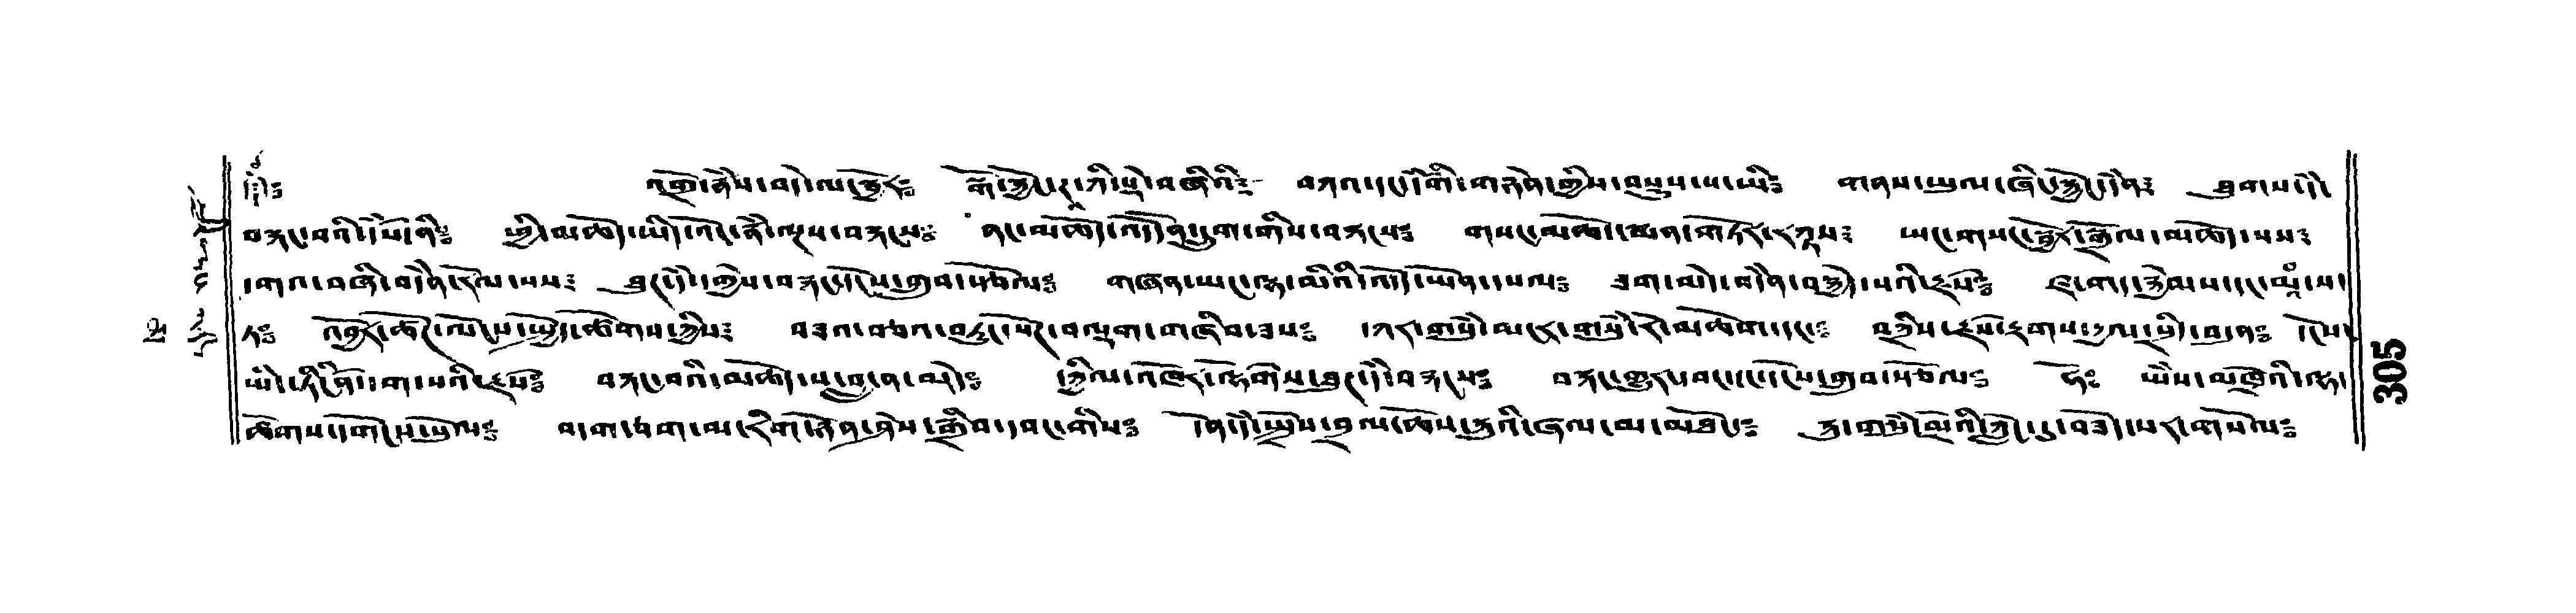འགྲོ་རྣམས་བདེ་ལ་སྦྱོར༔ སྒོ་སྐྱོང་ཌཱ་ཀི་སྡེ་བཞིའི༴ བཀའ་དང་དམ་ཚིག་གཉེན་གྱིས་བསྡུས་པ་ཡི༔ གནས་ཡུལ་ཞིང་སྐྱོང་དམ་ཅན༴ ཐུགས་དམ་
བསྐང་བའི་དམ་རྫས་ནི༔ ཕྱི་མཆོད་ཡིད་འོང་རྣམ་ལྔས་བསྐངས༔ ནང་མཆོད་འདོད་ཡོན་དྲུག་གིས་བསྐངས༔ གསང་མཆོད་སྨན་གཏོར་རཀྟས༴ ཡང་གསང་སྦྱོར་སྒྲོལ་མཆོད་པས༴ 
དགའ་བཞི་བདེ་ཆེན་རོལ་པས༴ ཐུགས་དམ་དགྱེས་བསྐང་དངོས་གྲུབ་སྩོལ༔ གཞན་ཡང་ལྷ་མིའི་འདོད་ཡོན་དཔལ༔ ཟག་མེད་བདེ་ཆེན་བསྐྱེད་པའི་རྫས༔ ཛ་གད་སྐྱེམས་དང་མཱཾ་ས་
ཏ༔ འབྱོར་ཚོགས་ལོངས་སྤྱོད་ཚོགས་ཀྱིས༴ བཟའ་བཅའ་བཏུང་སོགས་བལྡག་གཞིབ་ཟས༔ དཀར་གསུམ་མངར་གསུམ་རོ་མཆོག་དང༔ བཀྲ་ཤིས་རྫས་རྟགས་རྒྱལ་སྲིད་བདུན༔ དངོས་
ཡིད་ཏིང་འཛིན་དག་པའི་རྫས༔ བསྐང་བའི་མཆོད་པ་བླ་ན་མེད༔ དཀྱིལ་འཁོར་ལྷ་ཚོགས་ཐུགས་དམ་བསྐངས༔ བསྐང་གྱུར་དབང་དང་དངོས་གྲུབ་སྩོལ༔ ཧོཿ ཡེ་ཤེས་མཁའ་འགྲོའི་ལྷ་
ཚོགས་དགོངས་སུ་གསོལ༔ བདག་ཅག་མ་རིག་ཉོན་ཤེས་སྒྲིབ་དབང་གིས༔ དོན་དམ་སྤྲོས་བྲལ་ཆོས་སྐུའི་ཞལ་མ་མཐོང༔ སྐུ་གསུམ་མཁའ་འགྲོའི་ཀློང་དུ་བཟོད་པར་གསོལ༔